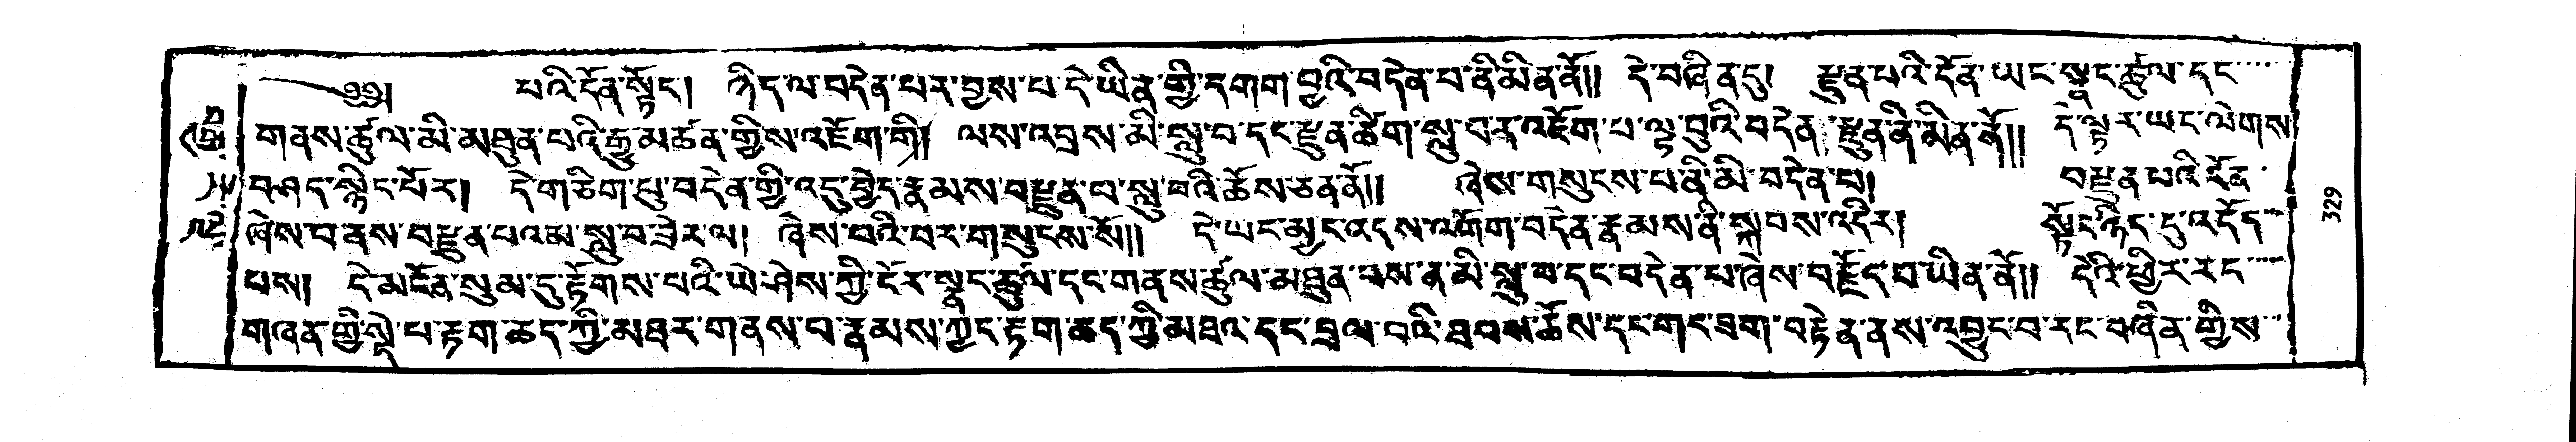༄༅། །པའི་དོན་སྟོང་། ཉིད་ལ་བདེན་པར་བྱས་པ་དེ་ཡིན་གྱི་དགག་བྱའི་བདེན་པ་ནི་མིན་ནོ། །དེ་བཞིན་དུ། རྫུན་པའི་དོན་ཡང་སྣང་ཚུལ་དང་
གནས་ཚུལ་མི་མཐུན་པའི་རྒྱུ་མཚན་གྱིས་འཇོག་གི། ལས་འབྲས་མི་སླུ་བ་དང་རྫུན་ཚིག་སླུ་བ་ན་འཇོག་པ་ལྟ་བུའི་བདེན་རྫུན་ནི་མིན་ནོ། །དེ་ལྟར་ཡང་ལེགས་
བཤད་སྙིང་པོར། དེ་གཅིག་པུ་བདེན་གྱི་འདུ་བྱེད་རྣམས་བརྫུན་པ་སླུ་བའི་ཆོས་ཅན་ནོ། །ཞེས་གསུངས་པ་ནི་མི་བདེན་པ། བརྫུན་པའི་དོན་
ཞེས་པ་ནས་བརྫུན་པའམ་སླུ་བ་ཟེར་ལ། ཞེས་པའི་བར་གསུངས་སོ། །དེ་ཡང་མྱང་འདས་འགོག་བདེན་རྣམས་ནི་སྐབས་འདིར། སྟོང་ཉིད་དུ་འདོད་
པས། དེ་མངོན་སུམ་དུ་རྟོགས་པའི་ཡེ་ཤེས་ཀྱི་ངོར་སྣང་ཚུལ་དང་གནས་ཚུལ་མཐུན་པས་ན་མི་སླུ་བ་དང་བདེན་པ་ཞེས་བརྗོད་པ་ཡིན་ནོ། དེའི་ཕྱིར་རང་
གཞན་གྱི་སྡེ་པ་རྟག་ཆད་ཀྱི་མཐར་གནས་པ་རྣམས་ཀྱང་རྟག་ཆད་ཀྱི་མཐའ་དང་བྲལ་བའི་ཐབས་ཆོས་དང་གང་ཟག་བརྟེན་ནས་འབྱུང་བ་རང་བཞིན་གྱིས་